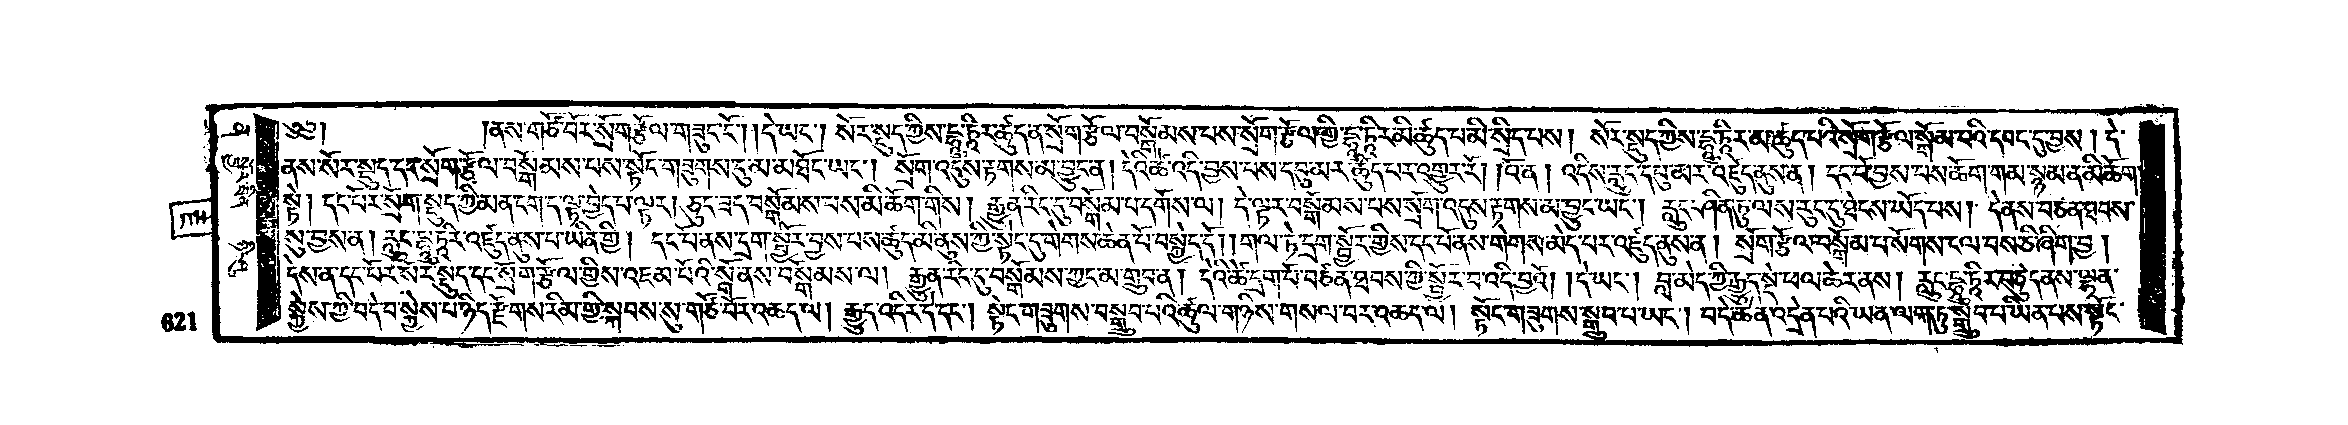༄༅། །ནས་གཙོ་བོར་སྲོག་རྩོལ་གཟུང་ངོ། །དེ་ཡང་། སོར་སྡུད་ཀྱིས་དྷཱུ་ཏཱིར་ཚུད་ན་སྲོག་རྩོལ་བསྒོམས་པས་སྲོག་རྩོལ་གྱི་དྷཱུ་ཏཱིར་མི་ཚུད་པ་མི་སྲིད་པས། སོར་སྡུད་ཀྱིས་དྷཱུ་ཏཱིར་མ་ཚུད་པའི་སྲོག་རྩོལ་སྒོམ་པའི་དབང་དུ་བྱས། དེ་
ནས་སོར་སྡུད་དང་སྲོག་རྩོལ་བསྒོམས་པས་སྟོང་གཟུགས་དུ་མ་མཐེང་ཡང་། སྲོག་འདུས་རྟགས་མ་བྱུང་ན། དེའི་ཚེ་འདི་བྱས་པས་དབུ་མར་ཚུད་པར་འགྱུར་རོ། །འོ་ན། འདིས་རླུང་དབུ་མར་འཛུད་ནུས་ན། དང་པོ་བྱས་པས་ཆོག་གམ་སྙམ་ན་མི་ཆོག་
སྟེ། དང་པོར་སྲོག་སྡུད་ཀྱི་མན་ངག་ད་ལྟ་བྱེད་པ་ལྟར། ཅུང་ཟད་བསྒོམས་པས་མི་ཆོག་གིས། རྒྱུན་རིང་དུ་བསྒོམས་པ་དགོས་ལ། དེ་ལྟར་བསྒོམས་པས་སྲོག་འདུས་རྟགས་མ་བྱུང་ཡང་། རླུང་ཤིན་ཏུ་ལས་རུང་དུ་ཐེངས་ཡོད་པས། དེ་ནས་བཙན་ཐབས་
སུ་བྱས་ན། རླུང་དྷཱུ་ཏཱིར་འཛུད་ནུས་པ་ཡིན་གྱི། དང་པོ་ནས་དྲག་སྦྱོར་བྱས་པས་ཚུད་མི་ནུས་ཀྱི་སྟེང་དུ་གེགས་ཆེན་པོ་བསྐྱེད་དོ། །གལ་ཏེ་དྲག་སྦྱོར་གྱིས་དང་པོ་ནས་གེགས་མེད་པར་འཛུད་ནུས་ན། སྲོག་རྩོལ་བསྒོམ་པ་སོགས་ངལ་བས་ཅི་ཞིག་བྱ།
དེས་ན་དང་པོར་སོར་སྡུད་དང་སྲོག་རྩོལ་གྱིས་འཇམ་པོའི་སྒོ་ནས་བསྒོམས་ལ། རྒྱུན་རིང་དུ་བསྒོམས་ཀྱང་མ་གྲུབ་ན། དེའི་ཚེ་དྲག་པོ་བཙན་ཐབས་ཀྱི་སྦྱོར་བ་འདི་བྱའོ། །དེ་ཡང་། བླ་མེད་ཀྱི་རྒྱུད་སྡེ་ཕལ་ཆེར་ནས། རླུང་དྷཱུ་ཏཱིར་བཙུད་ནས་ལྷན་
སྐྱེས་ཀྱི་བདེ་བ་སྐྱེས་པ་ཉིད་རྫོགས་རིམ་གྱི་སྐབས་སུ་གཙོ་བོར་འཆད་ལ། རྒྱུད་འདིར་དེ་དང་། སྟེང་གཟུགས་བསྒྲུབ་པའི་ཚུལ་གཉིས་གསལ་བར་འཆད་ལ། སྟོང་གཟུགས་སྒྲུབ་པ་ཡང་། བདེ་ཆེན་འདྲེན་པའི་ཡན་ལག་ཏུ་སྒྲུབ་པ་ཡིན་པས་སྟོང་